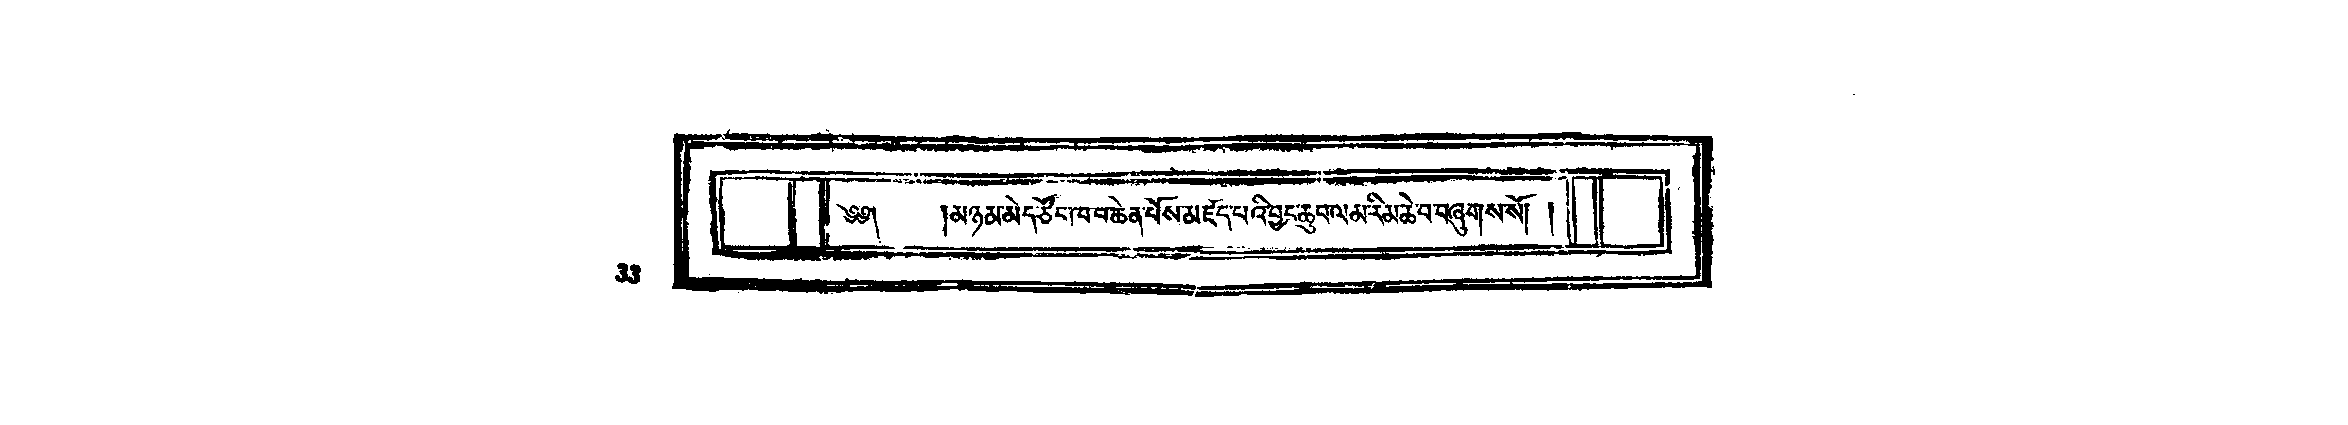༄༅། །མཉམ་མེད་ཙོང་ཁ་པ་ཆེན་པོས་མཛད་པའི་བྱང་ཆུབ་ལམ་རིམ་ཆེ་བ་བཞུགས་སོ།